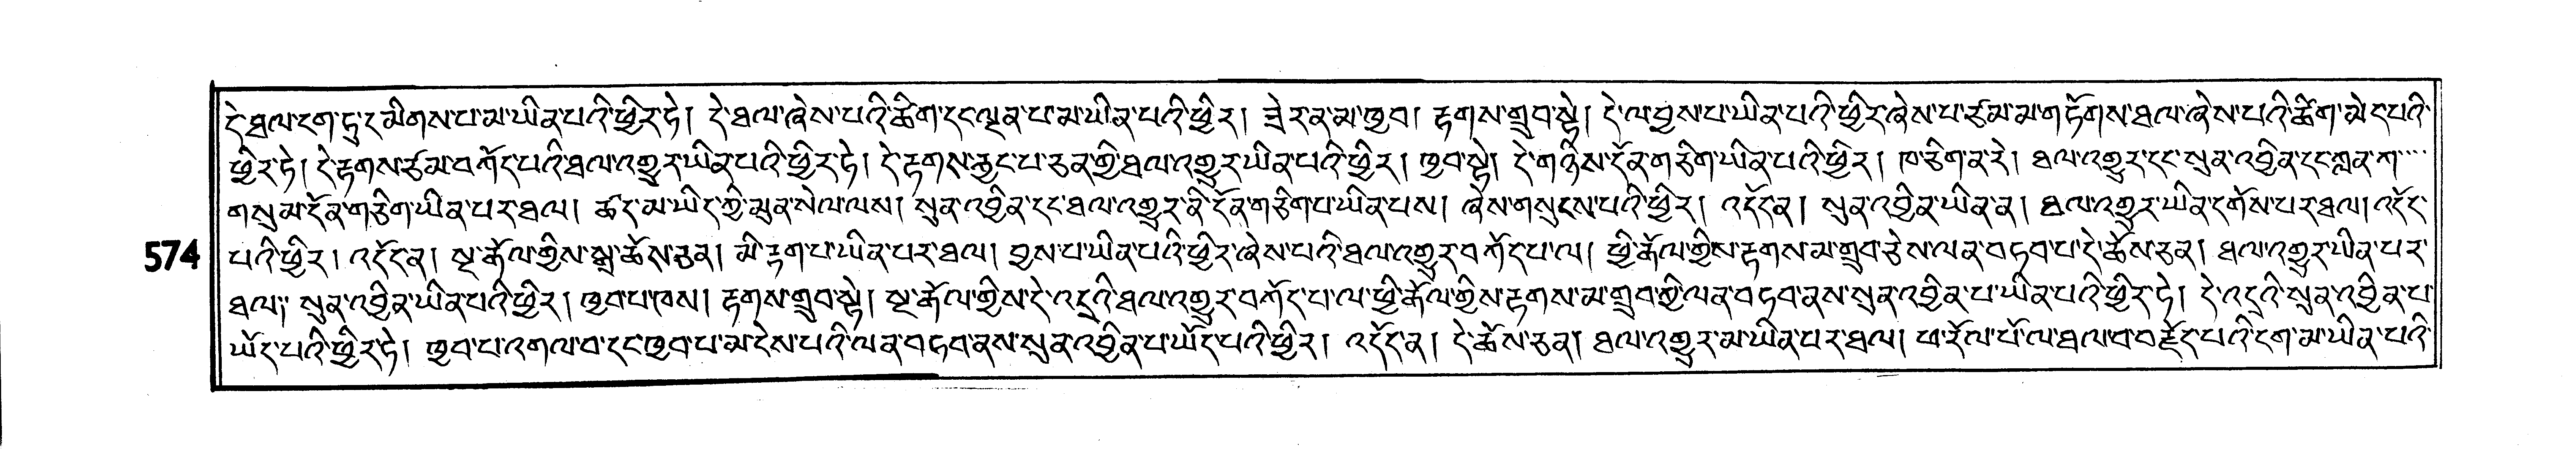དེ་ཐལ་ངག་ཏུ་དམིགས་པ་མ་ཡིན་པའི་ཕྱིར་ཏེ། དེ་ཐལ་ཞེས་པའི་ཚིག་དང་ལྡན་པ་མ་ཡིན་པའི་ཕྱིར། ཟེར་ན་མ་ཁྱབ། རྟགས་གྲུབ་སྟེ། དེ་ལ་བྱས་པ་ཡིན་པའི་ཕྱིར་ཞེས་པ་ཙམ་མ་གཏོགས་ཐལ་ཞེས་པའི་ཚིག་མེད་པའི་
ཕྱིར་ཏེ། དེ་རྟགས་ཙམ་བཀོད་པའི་ཐལ་འགྱུར་ཡིན་པའི་ཕྱིར་ཏེ། དེ་རྟགས་རྐྱང་པ་ཅན་གྱི་ཐལ་འགྱུར་ཡིན་པའི་ཕྱིར། ཁྱབ་སྟེ། དེ་གཉིས་དོན་གཅིག་ཡིན་པའི་ཕྱིར། ཁ་ཅིག་ན་རེ། ཐལ་འགྱུར་དང་སུན་འབྱིན་དང་ཀླན་ཀ་
གསུམ་དོན་གཅིག་ཡིན་པར་ཐལ། ཚད་མ་ཡིད་ཀྱི་མུན་སེལ་ལས། སུན་འབྱིན་དང་ཐལ་འགྱུར་ནི་དོན་གཅིག་པ་ཡིན་པས། ཞེས་གསུངས་པའི་ཕྱིར། འདོད་ན། སུན་འབྱིན་ཡིན་ན། ཐལ་འགྱུར་ཡིན་དགོས་པར་ཐལ། འདོད་
པའི་ཕྱིར། འདོད་ན། སྔ་རྒོལ་གྱིས་སྒྲ་ཆོས་ཅན། མི་རྟག་པ་ཡིན་པར་ཐལ། བྱས་པ་ཡིན་པའི་ཕྱིར་ཞེས་པའི་ཐལ་འགྱུར་བཀོད་པ་ལ། ཕྱི་རྒོལ་གྱིས་རྟགས་མ་གྲུབ་ཅེས་ལན་བཏབ་པ་དེ་ཆོས་ཅན། ཐལ་འགྱུར་ཡིན་པར་
ཐལ༑ སུན་འབྱིན་ཡིན་པའི་ཕྱིར། ཁྱབ་པ་ཁས། རྟགས་གྲུབ་སྟེ། སྔ་རྒོལ་གྱིས་དེ་འདྲའི་ཐལ་འགྱུར་བཀོད་པ་ལ་ཕྱི་རྒོལ་གྱིས་རྟགས་མ་གྲུབ་ཀྱི་ལན་བཏབ་ནས་སུན་འབྱིན་པ་ཡིན་པའི་ཕྱིར་ཏེ། དེ་འདྲའི་སུན་འབྱིན་པ་
ཡོད་པའི་ཕྱིར་ཏེ། ཁྱབ་པ་འགལ་བ་དང་ཁྱབ་པ་མ་ངེས་པའི་ལན་བཏབ་ནས་སུན་འབྱིན་པ་ཡོད་པའི་ཕྱིར། འདོད་ན། དེ་ཆོས་ཅན། ཐལ་འགྱུར་མ་ཡིན་པར་ཐལ། ཕ་རོལ་པོ་ལ་ཐལ་བ་བརྗོད་པའི་ངག་མ་ཡིན་པའི་